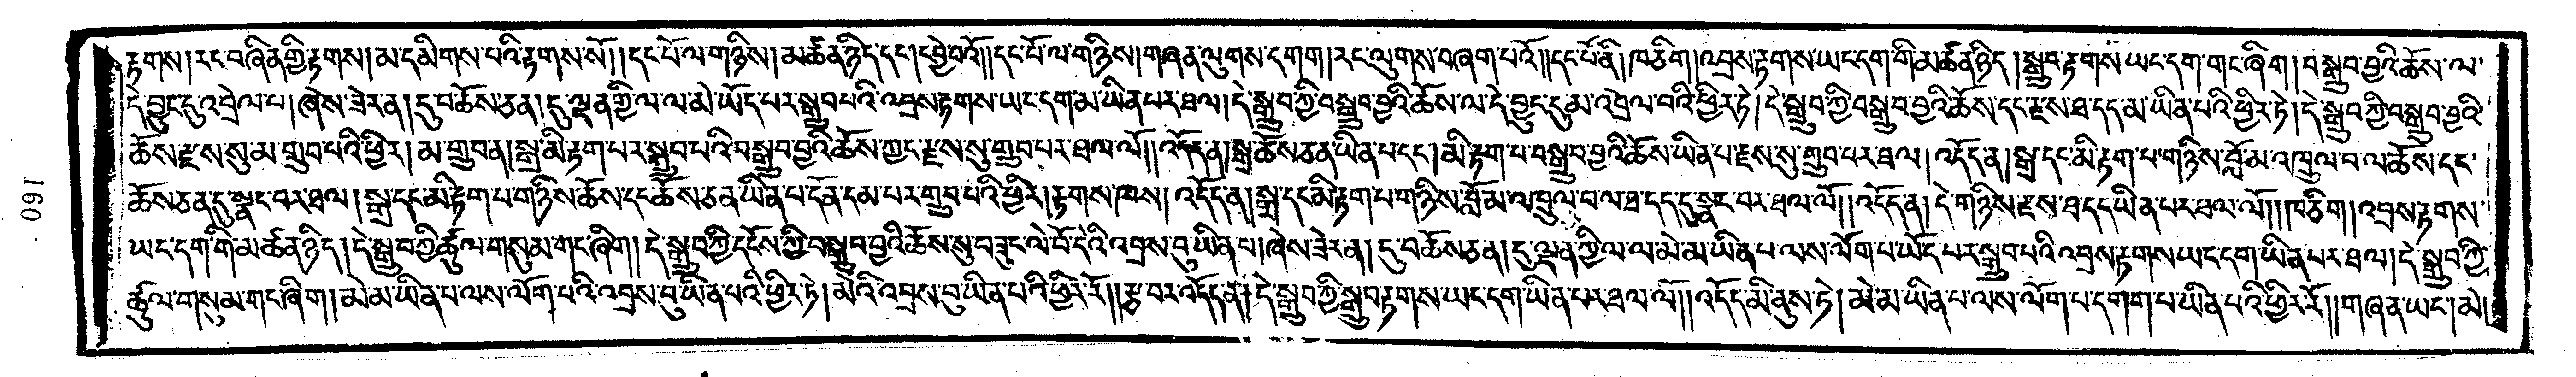རྟགས། རང་བཞིན་གྱི་རྟགས། མ་དམིགས་པའི་རྟགས་སོ། །དང་པོ་ལ་གཉིས། མཚན་ཉིད་དང་། དབྱེ་བའོ། དང་པོ་ལ་གཉིས། གཞན་ལུགས་དགག། རང་ལུགས་བཞག་པའོ། །དང་པོ་ནི། །ཁ་ཅིག །འབྲས་རྟགས་ཡང་དག་གི་མཚན་ཉིད། སྒྲུབ་རྟགས་ཡང་དག་གང་ཞིག །བསྒྲུབ་བྱའི་ཆོས་ལ་
དེ་བྱུང་དུ་འབྲེལ་པ། ཞེས་ཟེར་ན། དུ་བ་ཆོས་ཅན། དུ་ལྡན་གྱི་ལ་ལ་མེ་ཡོད་པར་སྒྲུབ་པའི་འབྲས་རྟགས་ཡང་དག་མ་ཡིན་པར་ཐལ། དེ་སྒྲུབ་ཀྱི་བསྒྲུབ་བྱའི་ཆོས་ལ་དེ་བྱུང་དུ་མ་འབྲེལ་བའི་ཕྱིར་ཏེ། དེ་སྒྲུབ་ཀྱི་བསྒྲུབ་བྱའི་ཆོས་དང་རྫས་ཐ་དད་མ་ཡིན་པའི་ཕྱིར་ཏེ། དེ་སྒྲུབ་ཀྱི་བསྒྲུབ་བྱའི་
ཆོས་རྫས་སུ་མ་གྲུབ་པའི་ཕྱིར། མ་གྲུབ་ན། སྒྲ་མི་རྟག་པར་སྒྲུབ་པའི་བསྒྲུབ་བྱའི་ཆོས་ཀྱང་རྫས་སུ་གྲུབ་པར་ཐལ་ལོ། །འདོད་ན། སྒྲ་ཆོས་ཅན་ཡིན་པ་དང་། མི་རྟག་པ་བསྒྲུབ་བྱའི་ཆོས་ཡིན་པ་རྫས་སུ་གྲུབ་པར་ཐལ། འདོད་ན། སྒྲ་དང་མི་རྟག་པ་གཉིས་བློ་མ་འཁྲུལ་བ་ལ་ཆོས་དང་
ཆོས་ཅན་དུ་སྣང་བར་ཐལ། སྒྲ་དང་མི་རྟག་པ་གཉིས་ཆོས་དང་ཆོས་ཅན་ཡིན་པ་དོན་དམ་པར་གྲུབ་པའི་ཕྱིར། རྟགས་ཁས། འདོད་ན། སྒྲ་དང་མི་རྟག་པ་གཉིས་བློ་མ་འཁྲུལ་བ་ལ་ཐ་དད་དུ་སྣང་བར་ཐལ་ལོ། འདོད་ན། དེ་གཉིས་རྫས་ཐ་དད་ཡིན་པར་ཐལ་ལོ། །ཁ་ཅིག །འབྲས་རྟགས་
ཡང་དག་གི་མཚན་ཉིད། དེ་སྒྲུབ་ཀྱི་ཚུལ་གསུམ་གང་ཞིག །དེ་སྒྲུབ་ཀྱི་དངོས་ཀྱི་བསྒྲུབ་བྱའི་ཆོས་སུ་བཟུང་ལེ་བོ་དེའི་འབྲས་བུ་ཡིན་པ། ཞེས་ཟེར་ན། དུ་བ་ཆོས་ཅན། དུ་ལྡན་གྱི་ལ་ལ་མེ་མ་ཡིན་པ་ལས་ལོག་པ་ཡོད་པར་སྒྲུབ་པའི་འབྲས་རྟགས་ཡང་དག་ཡིན་པར་ཐལ། དེ་སྒྲུབ་ཀྱི་
ཚུལ་གསུམ་གང་ཞིག །མི་མ་ཡིན་པ་ལས་ལོག་པའི་འབྲས་བུ་ཡིན་པའི་ཕྱིར་ཏེ། མེའི་འབྲས་བུ་ཡིན་པའི་ཕྱིར་རོ། །རྩ་བར་འདོད་ན། དེ་སྒྲུབ་ཀྱི་སྒྲུབ་རྟགས་ཡང་དག་ཡིན་པར་ཐལ་ལོ། །འདོད་མི་ནུས་ཏེ། མེ་མ་ཡིན་པ་ལས་ལོག་པ་དགག་པ་ཡིན་པའི་ཕྱིར་རོ། །གཞན་ཡང་། མེ་